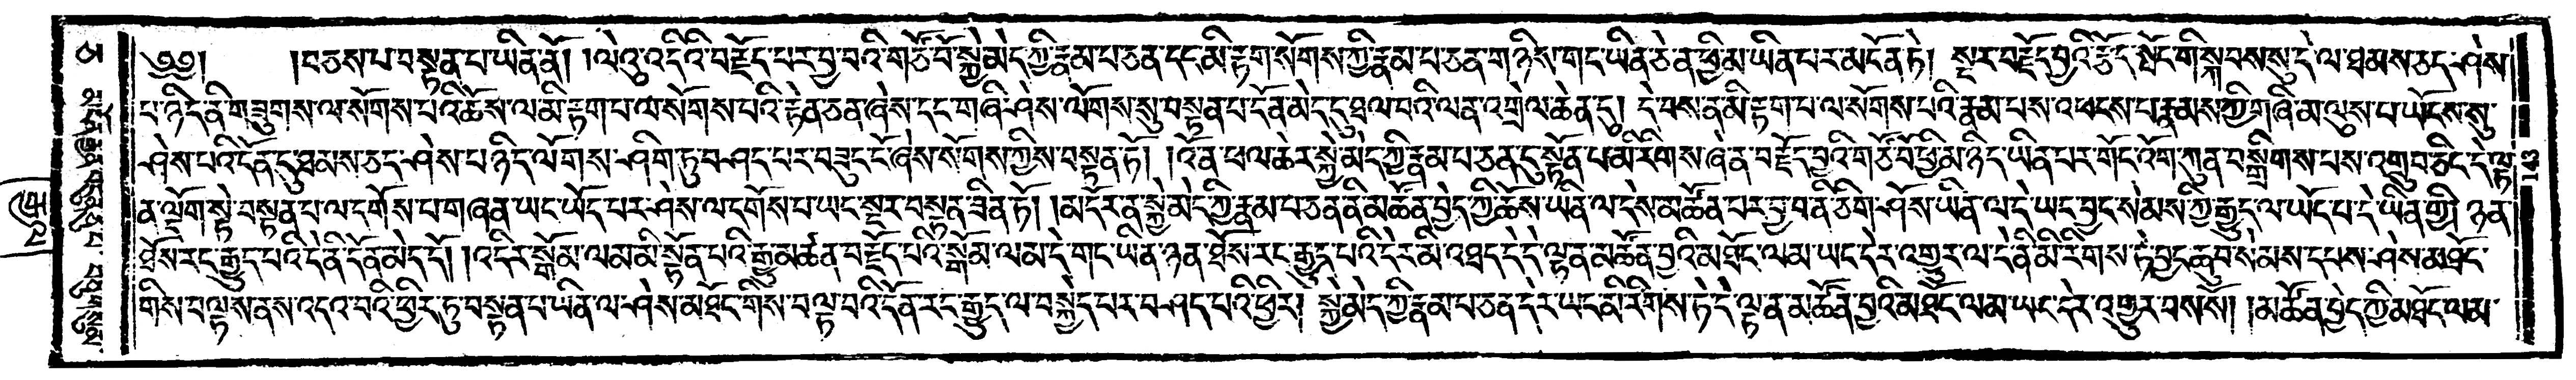༄༅། །བཅས་པ་བསྟན་པ་ཡིན་ནོ། །ལེའུ་འདིའི་བརྗོད་པར་བྱ་བའི་གཙོ་བོ་སྐྱེ་མེད་ཀྱི་རྣམ་པ་ཅན་དང་མི་རྟག་སོགས་ཀྱི་རྣམ་པ་ཅན་གཉིས་གང་ཡིན་ཅེ་ན་ཕྱི་མ་ཡིན་པར་མངོན་ཏེ། སྔར་བརྗོད་བྱའི་རྩོད་སྤོང་གི་སྐབས་སུ་དེ་ལ་ཐམས་ཅད་ཤེས་
པ་ཉིད་ནི་གཟུགས་ལ་སོགས་པའི་ཆོས་ལ་མི་རྟག་པ་ལ་སོགས་པའི་རྟེན་ཅན་ཞེས་དང་གཞི་ཤེས་ལོགས་སུ་བསྟན་པ་དོན་མེད་དུ་ཐལ་བའི་ལན་འགྲེལ་ཆེན་དུ། དེ་བས་ན་མི་རྟག་པ་ལ་སོགས་པའི་རྣམ་པས་འཕངས་པ་རྣམས་ཀྱི་གཞི་མ་ལུས་པ་ཡོངས་སུ་
ཤེས་པའི་དོན་དུ་ཐམས་ཅད་ཤེས་པ་ཉིད་ལོགས་ཤིག་ཏུ་བཤད་པར་བཟུང་ངོ་ཞེས་སོགས་ཀྱིས་བསྟན་ཏོ། །འོ་ན་ཕལ་ཆེར་སྐྱེ་མེད་ཀྱི་རྣམ་པ་ཅན་དུ་སྟོན་པ་མི་རིགས་ཞེ་ན་བརྗོད་བྱའི་གཙོ་བོ་ཕྱི་མ་ཉིད་ཡིན་པར་གོང་འོག་ཀུན་བསྒྲིགས་པས་འགྲུབ་ཅིང་དེ་ལྟ་
ན་ལྡོག་སྟེ་བསྟན་པ་ལ་དགོས་པ་གཞན་ཡང་ཡོད་པར་ཤེས་ལ་དགོས་པ་ཡང་སྔར་བསྟན་ཟིན་ཏོ། །མདོར་ན་སྐྱེ་མེད་ཀྱི་རྣམ་པ་ཅན་ནི་མཚོན་བྱེད་ཀྱི་ཆོས་ཡིན་ལ་དེས་མཚོན་པར་བྱ་བ་ནི་ཅིག་ཤོས་ཡིན་ལ་དེ་ཡང་བྱང་སེམས་ཀྱི་རྒྱུད་ལ་ཡོད་པ་དེ་ཡིན་གྱི། ཉན་
ཐོས་རང་རྒྱུད་པའི་དེ་ནི་དོན་མེད་དོ། །འདིར་སྒོམ་ལམ་མི་སྟོན་པའི་རྒྱུ་མཚན་བརྗོད་པའི་སྒོམ་ལམ་དེ་གང་ཡིན་ཉན་ཐོས་རང་རྒྱུད་པའི་དེར་མི་འཐད་དེ་དེ་ལྟ་ན་མཚོན་བྱའི་མཐོང་ལམ་ཡང་དེར་འགྱུར་ལ་དེ་ནི་མི་རིགས་ཏེ་བྱང་ཆུབ་སེམས་དཔས་ཤེས་མཐོང་
གིས་བལྟས་ནས་འདའ་བའི་ཕྱིར་ཏུ་བསྟན་པ་ཡིན་ལ་ཤེས་མཐོང་གིས་བལྟ་བའི་དོན་རང་རྒྱུད་ལ་བསྐྱེད་པར་བཤད་པའི་ཕྱིར། སྐྱེ་མེད་ཀྱི་རྣམ་པ་ཅན་དེར་ཡང་མི་རིགས་ཏེ་དེ་ལྟ་ན་མཚོན་བྱའི་མཐོང་ལམ་ཡང་དེར་འགྱུར་བས་སོ། །མཚོན་བྱེད་ཀྱི་མཐོང་ལམ་